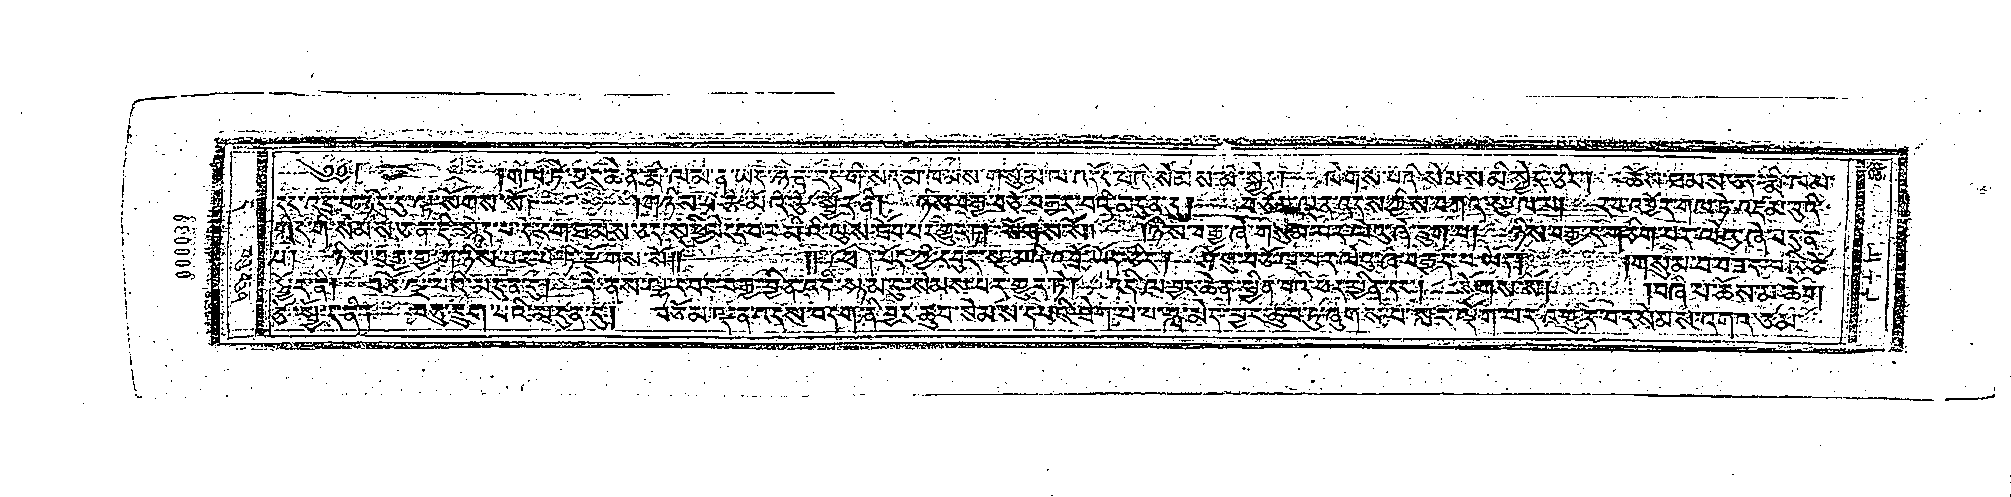༄༅། །གལ་ཏེ་བྱང་ཆེན་རྨི་ལམ་ན་ཡང་ཉན་རང་གི་སའམ་ཁམས་གསུམ་ལ་འདོད་པའི་སེམས་མི་སྐྱེད། ལེགས་པའི་སེམས་མི་སྐྱེད་ཅིང་། ཆོས་ཐམས་ཅད་རྨི་ལམ་
དང་འདྲ་བ་ཉིད་དུ་ལྟ་སོགས་སོ། །གཉིས་པ་རྩེ་མོའི་རྩེ་སྦྱོར་ནི། ཉིས་བརྒྱ་བཅོ་བརྒྱད་བའི་མདུན་དུ། བཅོམ་ལྡན་འདས་ཀྱིས་བཀའ་སྩལ་པ། རབ་འབྱོར་གལ་ཏེ་འཛམ་བུའི་
གླིང་གི་སེམས་ཅན་ཇི་སྙེད་པ་དེ་དག་ཐམས་ཅད་སྔ་ཕྱི་མེད་བར་མིའི་ལུས་ཐོབ་པར་གྱུར་ཏོ། སོགས་སོ། །གཉིས་བརྒྱ་ཞེ་གསུམ་པར་ལེའུ་ཞེ་དྲུག་པ། ཉིས་བརྒྱ་ང་གཅིག་པར་ལེའུ་ཞེ་བདུན་
པ། ཉིས་བརྒྱ་གྱ་གཉིས་པར་པོ་ཏི་རྫོགས་སོ།། །།ཕ྄་པོད་ཀྱི་དབུར་སྔ་མའི་འབྲོ་ཡོད་ཅིང་། ཤོ་གུ་བཅོ་ལྔ་པར་ལེའུ་ཞེ་བརྒྱད་པ་ཡོད། །གསུམ་པ་བཟང་པའི་རྩེ་
༧་སྦྱོར་ནི། བཅོ་ལྣ་པའི་མདུན་དུ། དེ་ནས་ལྷ་དབང་བརྒྱ་བྱིན་འདི་སྙམ་དུ་སེམས་པར་གྱུར་ཏེ། འདི་ལ་བྱང་ཆེན་སྦྱིན་པའི་ཕར་ཕྱིན་དང་། སོགས་སོ། །བཞི་པ་ཆོས་མ་ཆོག་
རྩེ་སྦྱོར་ནི། བཅུ་དྲུག་པའི་མདུན་དུ། བཅོམ་ལྡན་འདས་བདག་ནི་བྱང་ཆུབ་སེམས་དཔའི་ཐེག་པ་བ་བླ་མེད་བྱང་ཆུབ་ཏུ་ཞུགས་པ་སླར་ལྡོག་པར་འགྱུར་བར་སེམས་འགའ་ཙམ་